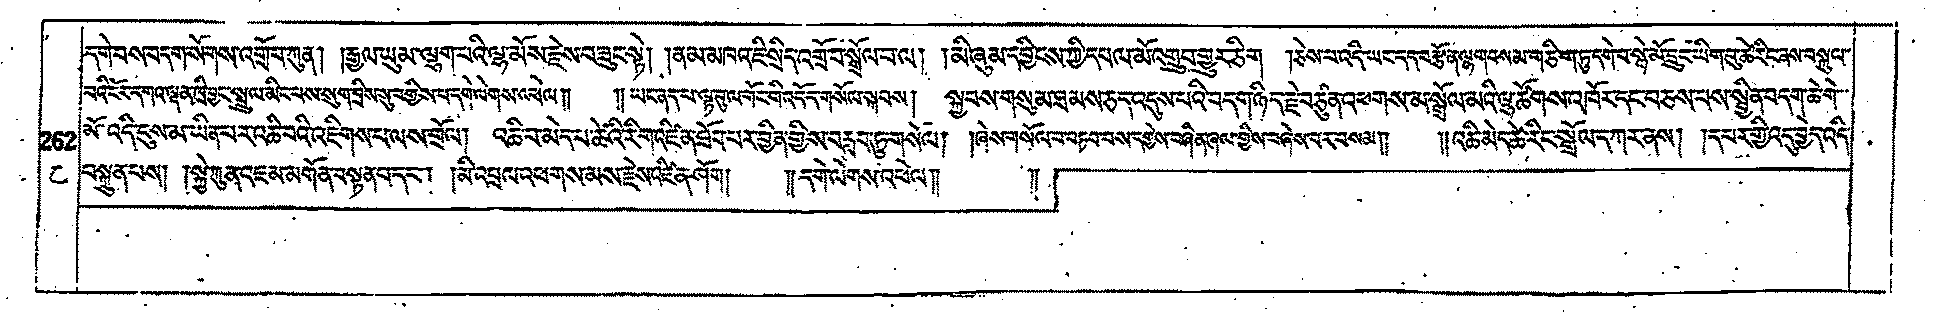དགེ་བས་བདག་སོགས་འགྲོ་བ་ཀུན། །རྒྱལ་ཡུམ་ལྷག་པའི་ལྷ་མོས་རྗེས་བཟུང་སྟེ། །ནམ་མཁའ་ཇི་སྲིད་འགྲོ་བ་སྒྲོལ་བ་ལ། །མི་ཞུམ་དབྱིངས་ཀྱི་དཔལ་མོ་འགྲུབ་གྱུར་ཅིག །ཅེས་པ་འདི་ཡང་དད་བརྩོན་ལྷག་བསམ་གཅིག་ཏུ་དགེ་བ་སྙེ་མོ་དྲུང་ཡིག་བུ་ཚེ་རིང་ནས་བསྐུལ་་་
བའི་ངོར་དགའ་ལྡན་ཁྲི་བྱང་སྤྲུལ་མིང་པས་སུག་བྲིས་སུ་བགྱིས་པ་དགེ་ལེགས་འཕེལ།། །།ཡང་ནད་པ་ལྟ་བུ་ལ་གོང་གི་འདོད་གསོལ་སྐབས། སྐྱབས་གསུམ་ཐམས་ཅད་འདུས་པའི་བདག་ཉིད་རྗེ་བཙུན་འཕགས་མ་སྒྲོལ་མའི་ལྷ་ཚོགས་འཁོར་དང་བཅས་པས་སྦྱིན་བདག་ཆེ་གེ་་་
མོ་་་་འདི་དུས་མ་ཡིན་པར་འཆི་བའི་འཇིགས་པ་ལས་གྲོལ། འཆི་བ་མེད་པ་ཚེའི་རིག་འཛིན་ཐོབ་པར་བྱིན་གྱིས་བརླབ་ཏུ་གསོལ། །ཞེས་གསོལ་བ་བཏབ་པས་དགྱེས་བཞིན་ཞལ་གྱིས་བཞེས་པར་བསམ།།  །།འཆི་མེད་ཚེ་རིང་སྒྲོལ་དཀར་ནས། །དཔར་གྱི་འདུ་བྱེད་འདི་
བསྐྲུན་པས། །སྐྱེ་ཀུན་འཇམ་མགོན་བསྟན་པ་དང་། །མི་འབྲལ་འཕགས་མས་རྗེས་འཛིན་ཤོག། །།དགེ་ལེགས་འཕེལ།། །།